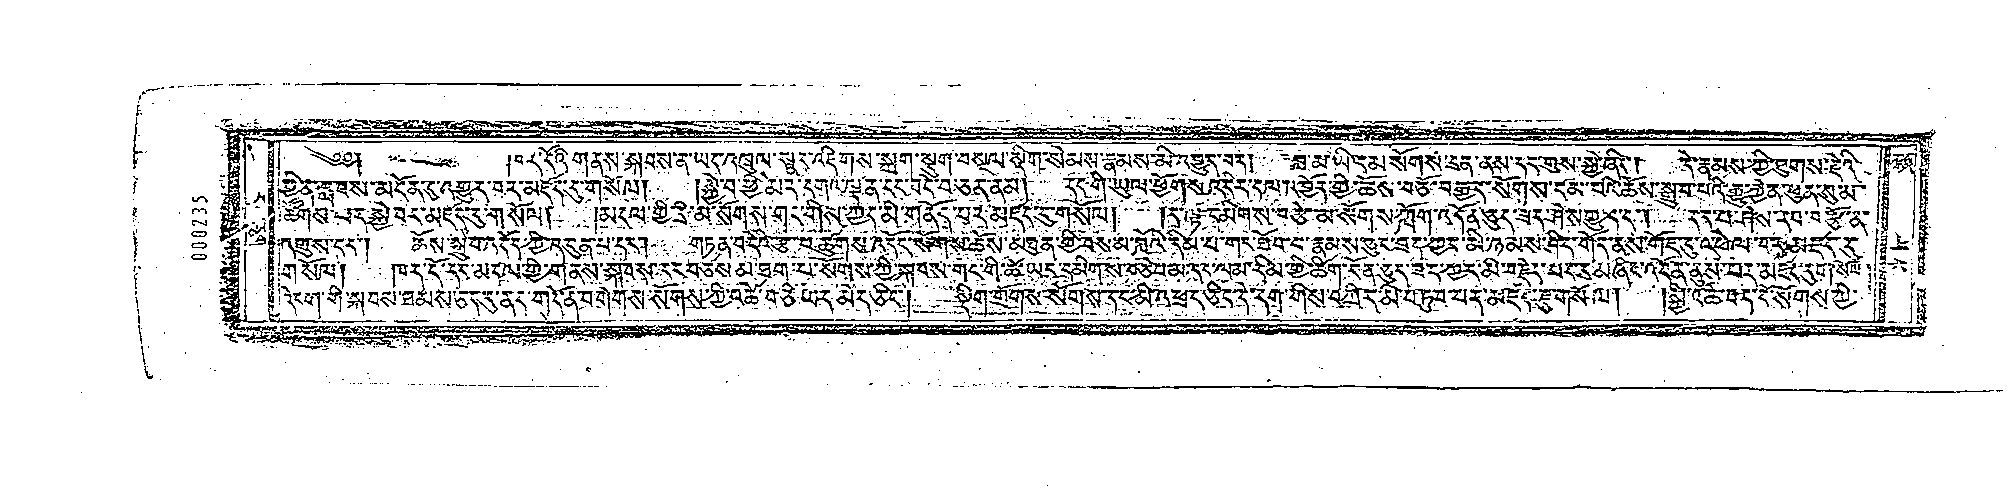༄༅། །བར་དོའི་གནས་སྐབས་ན་ཡང་འཁྲུལ་སྣང་འཇིགས་སྐྲག་སྡུག་བསྔལ་སྡིག་སེམས་རྣམས་མི་འབྱུང་བར། བལ་ཨམ་ཡི་དམ་སོགས་དྲན་ནས་དད་དུས་སྐྱེ་ཞིང་། དེ་རྣམས་ཀྱི་ཐུགས་རྗེའི་
བྱིན་རླབས་མངོན་དུ་འགྱུར་བར་མཛད་དུ་གསོལ། །སྐྱེ་བ་ཕྱི་མར་དགའ་ལྡན་དང་བདེ་བ་ཅན་ནམ། རང་གི་ཡུལ་ཕྱོགས་འདིར་དལ་འབྱོར་གྱི་ཆོས་བཅོ་བརྒྱད་སོགས་དམ་བའི་ཆོས་སྒྲུབ་པའི་རྒྱུ་རྐྱེན་ཕུན་སུམ་
ཚོགས་པར་སྐྱེ་བར་མཛད་དུ་གསོལ། །མངལ་གྱི་དྲི་མ་སོགས་གང་གིས་ཀྱང་མི་གནོད་པར་མཛད་དུ་གསོལ། །ད་ལྟ་དམིགས་བརྩེ་མ་སོགས་ཀློག་འདོན་ཅུང་ཟད་ཤེས་གྱུར་དེ། དད་པ་ཤེས་རབ་བརྩོན་
འགྲུས་དང་། ཆོས་སྒྲུབ་འདོད་ཀྱི་འདུན་པ་དང་། གཏན་བདེའི་རྩ་བ་ཚུགས་འདོད་སོགས་ཆོས་མཐུན་གྱི་བསམ་བློའི་རིམ་པ་གང་ཐོབ་པ་རྣམས་ཅུང་ཟད་ཀྱང་མི་ཉམས་ཤིང་གོང་ནས་གོང་དུ་འཕེལ་བར་མཛད་དུ་
གསོལ། །བར་དོ་དང་མངལ་གྱི་གནས་སྐབས་དང་བཙས་མ་ཐག་པ་སོགས་ཀྱི་སྐབས་གང་གི་ཚེ་ཡང་དམིགས་བརྩེ་པ་མ་དང་ལམ་རིམ་གྱི་ཚིག་དོན་ཅུང་ཟད་ཀྱང་མི་བརྗེད་པར་དྲན་ཞིང་འདོན་ནུས་པར་མཛད་དུ་གསོལ།
དེ་ངག་གི་སྐབས་ཐམས་ཅད་དུ་ནང་གདོན་བགེགས་སོགས་ཀྱི་འཚེ་བ་ཅི་ཡང་མེད་ཅིང་། སྡིག་གྲོགས་སོགས་དང་མི་འཕྲད་ཅིང་དེ་དག་གིས་བཀྲིར་མི་བཏུབ་པར་མཛད་དུ་གསོལ། །སྐྱི་འཆི་བར་དོ་སོགས་ཀྱི་